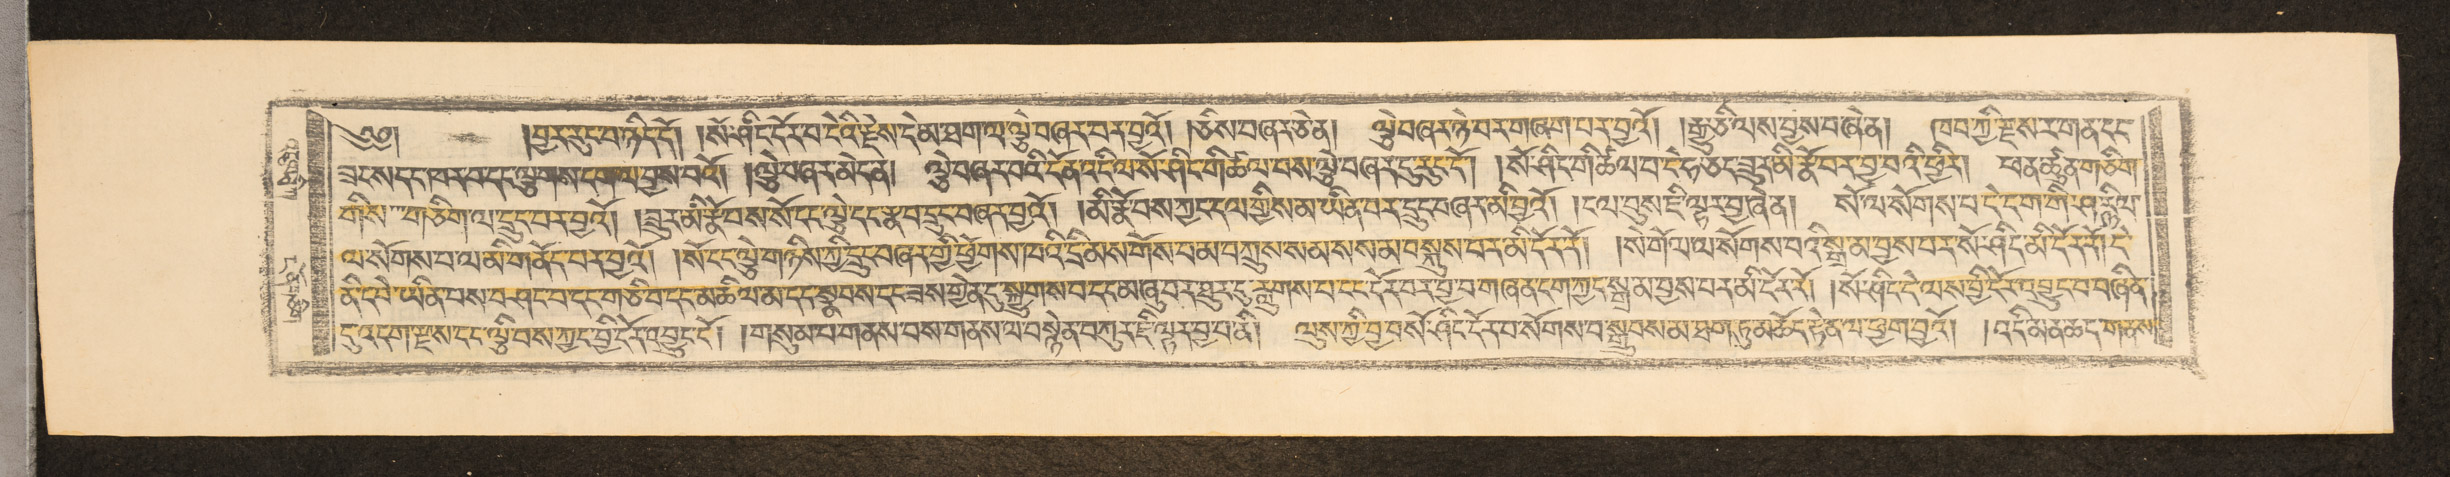༄༅། །བྱར་རུང་བ་ཉིད་དོ། །སོ་ཤིང་དོར་བ་དེའི་རྗེས་དེ་མ་ཐག་ལ་ལྕེ་བཞར་བར་བྱའོ། །ཅིས་བཞར་ཅེ་ན། ལྕེ་བཞར་ཉེ་བར་གཞག་པར་བྱའོ། །རྒྱུ་ཅི་ལས་བྱས་བ་ཞེ་ན། ཁབ་ཀྱི་རྫས་ར་གན་དང་
ཟངས་དང་ཁར་བ་དང་ལྕགས་དག་ལ་བྱས་པའོ། །ལྕེ་བཞར་མེད་ན། ལྕེ་བཞར་བའི་དོན་འདི་ལ་སོ་ཤིང་གི་ཚལ་བས་ལྕེ་བཞར་དུ་རུང་ངོ། །སོ་ཤིང་གི་ཚལ་བ་དེ་ཧ་ཅང་ཟུར་མི་རྣོ་བར་བྱ་བའི་ཕྱིར། ཕན་ཚུན་གཅིག་
གིས་གཅིག་ལ་དྲུང་པར་བྱའོ། །ཟུར་མི་རྣོ་པས་སོ་དང་ལྕེ་དང་རྣ་བ་དྲུང་བཞར་བྱའོ། །མི་རྣོ་བས་ཀྱང་དལ་གྱིས་མ་ཡིན་པར་དྲུང་བཞར་མི་བྱའོ། །དལ་བུས་ཇི་ལྟར་བྱ་ཞོ་ན། སོ་ལ་སོགས་པ་དེ་དག་གི་ཤ་རྙིལ་
ལ་སོགས་པ་ལ་མི་གནོད་པར་བྱའོ། །སོ་དང་ལྕེ་གཉིས་ཀྱི་དྲུང་བཞར་གྱི་ཕྱོགས་ཁའི་དྲི་མས་གོས་པ་མ་བཀྲུས་སམ་ས་སམ་བསྐུས་པར་མི་དོར་རོ། །སེ་གོལ་ལ་སོགས་པའི་སྒྲ་མ་བྱས་པར་སོ་ཤིང་མི་དོར་རོ། དེ་
ནི་དཔེ་ཡིན་པས་བཤད་བ་དང་གཅི་བ་དང་མཆིལ་མ་དང་སྣབས་དང་ཟས་གྱེན་དུ་སྐྱུགས་པ་དང་མ་ཞུ་བར་ཐུར་དུ་རླུགས་པ་དང་དོར་བར་བྱ་བ་གཞན་དག་ཀྱང་སྒྲམ་བྱས་པར་མི་དོར་རོ། །སོ་ཤིང་དེ་ལས་བྱི་དོར་འབྱུང་བ་བཞིན་
དུ་འདག་རྫས་དང་ལྕི་བས་ཀྱང་བྱི་དོར་འབྱུང་ངོ། །གསུམ་པ་གནས་པས་གནས་ལ་བསྙེན་བཀུར་ཇི་ལྟར་བྱ་བ་ནི། ལུས་ཀྱི་བྱ་བ་སོ་ཤིང་དོར་བ་སོགས་བསྒྲུབས་མ་ཐག་ཏུ་མཆོད་རྟེན་ལ་ཕྱག་བྱའོ། །འདི་མན་ཆད་གནས་